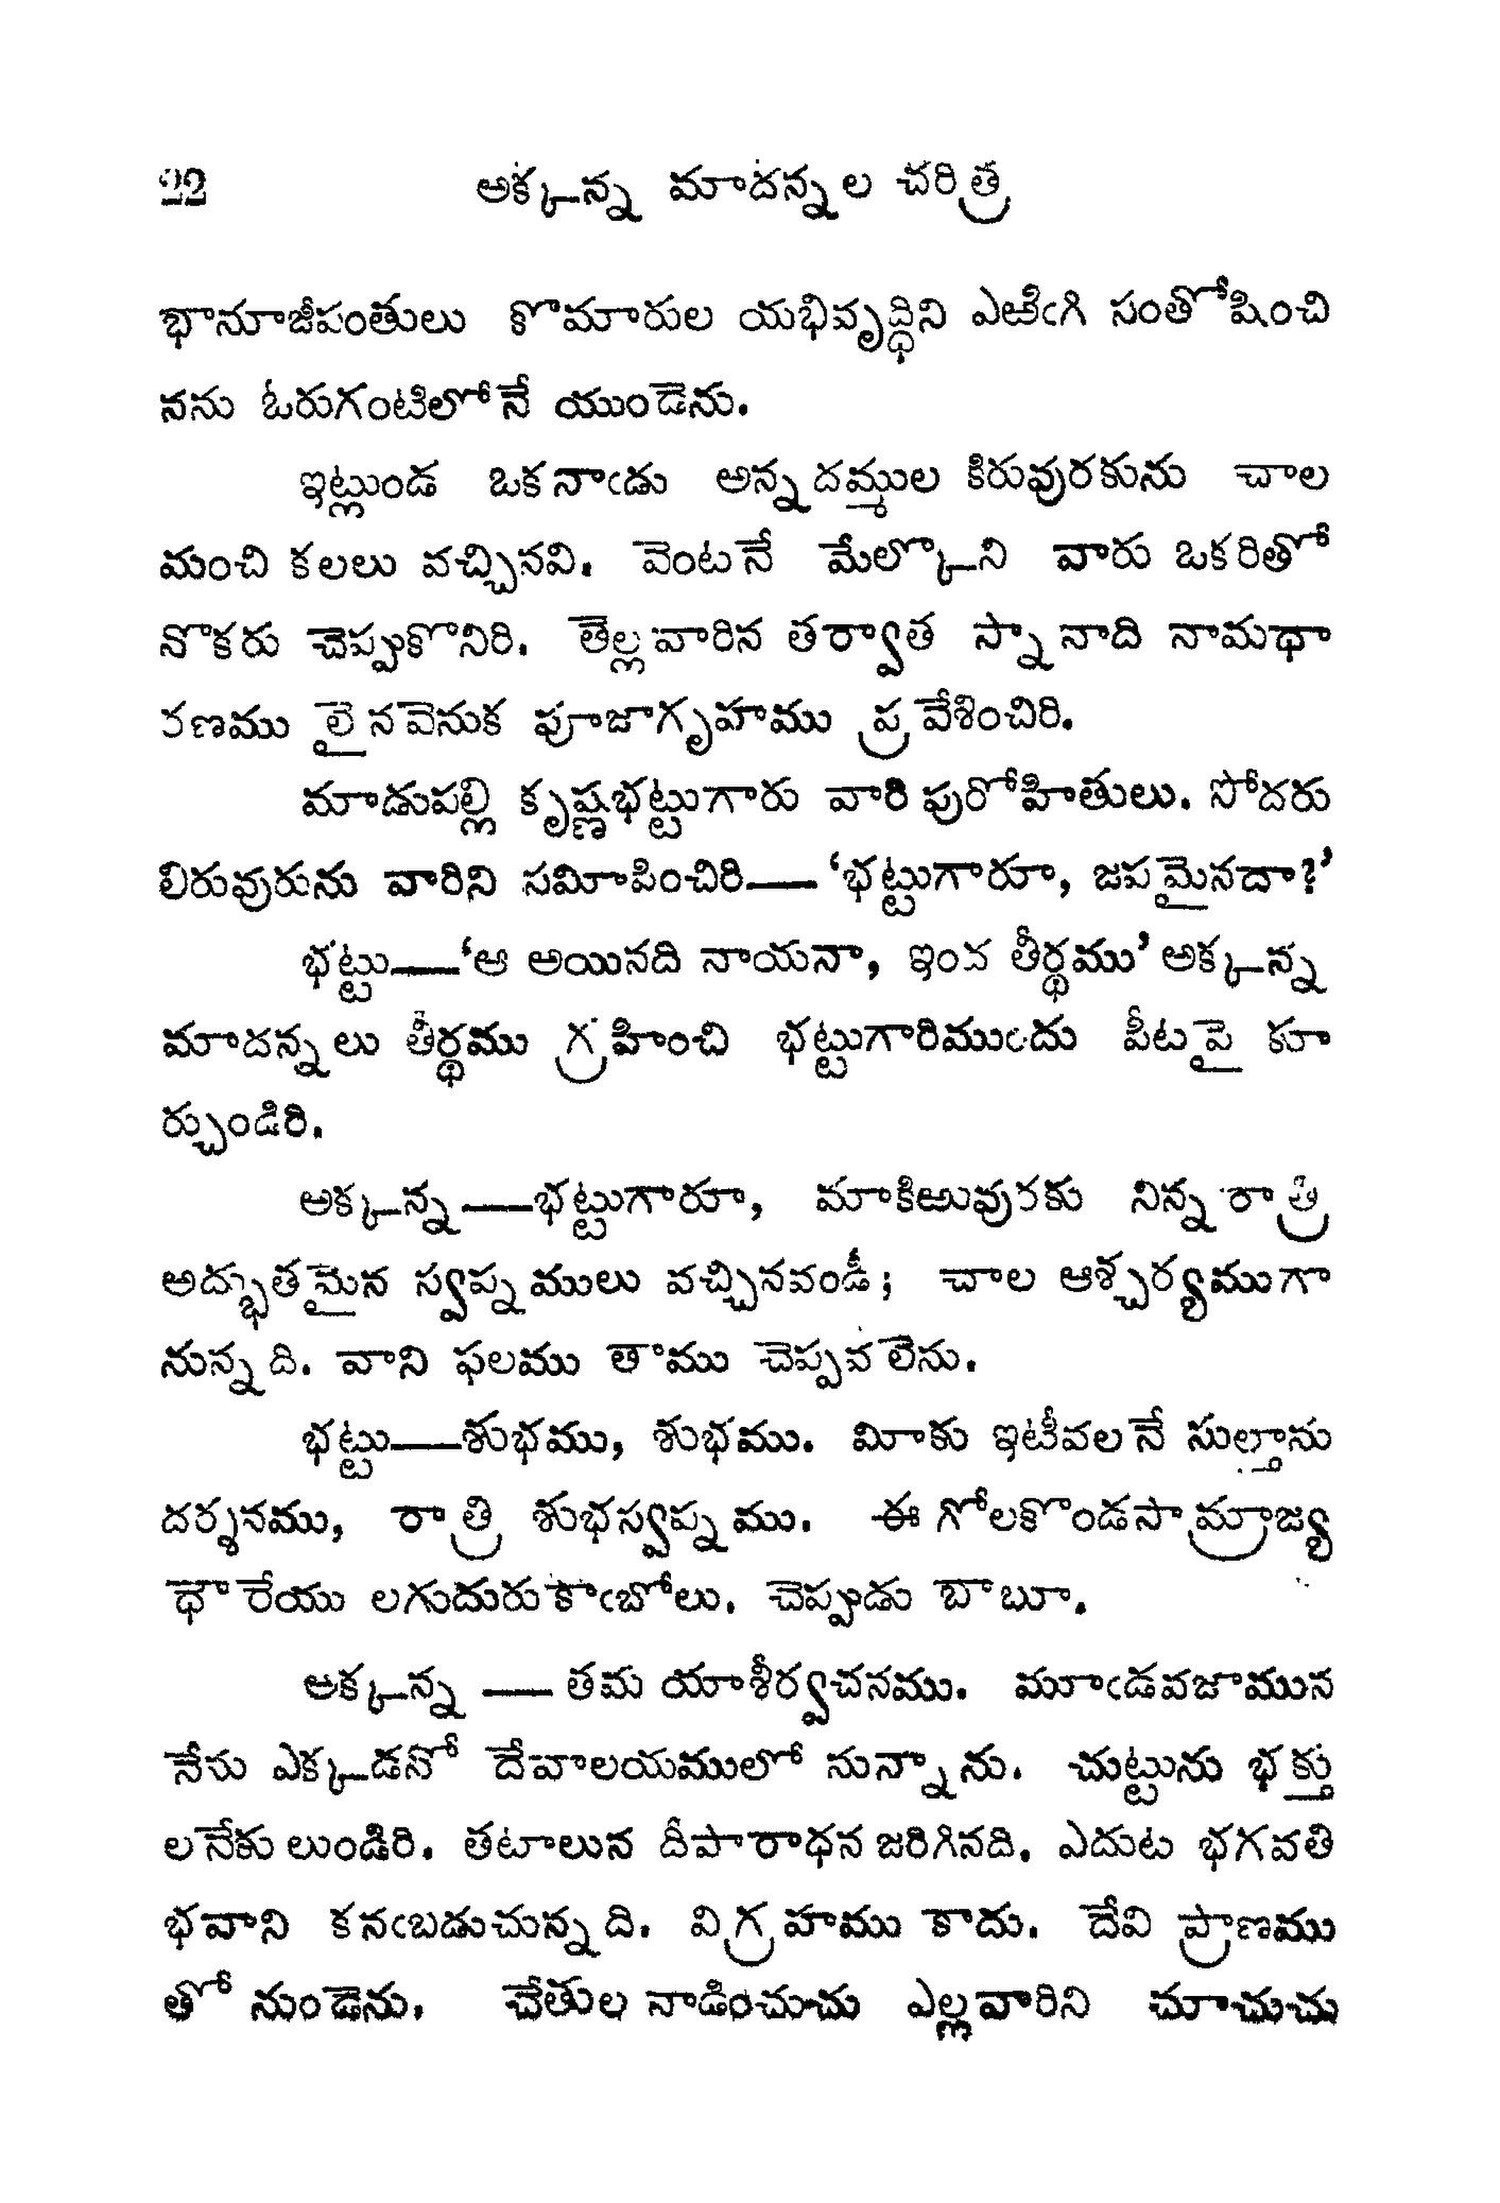భానూజీపంతులు కొమారుల యభివృద్దిని ఎఱిఁగి సంతోషించినను ఓరుగంటిలోనే యుండెను.

ఇట్లుండ ఒకనాఁడు అన్నదమ్ముల కిరువురకును చాల మంచి కలలు వచ్చినవి. వెంటనే మేల్కొని వారు ఒకరితో నొకరు చెప్పుకొనిరి. తెల్లవారిన తర్వాత స్నానాది నామధారణము లైనవెనుక పూజాగృహము ప్రవేశించిరి.

మాడుపల్లి కృష్ణభట్టుగారు వారి పురోహితులు. సోదరు లిరువురును వారిని సమీపించిరి―‘భట్టుగారూ, జపమైనదా?’

భట్టు―‘ఆ అయినది నాయనా, ఇంద తీర్థము’ అక్కన్న మాదన్నలు తీర్థము గ్రహించి భట్టుగారిముందు పీటపై కూర్చుండిరి.

అక్కన్న―భట్టుగారూ, మాకిఱువురకు నిన్నరాత్రి అద్భుతమైన స్వప్నములు వచ్చినవండీ; చాల ఆశ్చర్యముగా నున్నది. వాని ఫలము తాము చెప్పవలెను.

భట్టు―శుభము, శుభము. మీకు ఇటీవలనే సుల్తాను దర్శనము, రాత్రి శుభస్వప్నము. ఈ గోలకొండసామ్రాజ్య ధౌరేయు లగుదురుకాఁబోలు. చెప్పుడు బాబూ.

అక్కన్న ― తమ యాశీర్వచనము. మూఁడవజామున నేను ఎక్కడనో దేవాలయములో నున్నాను. చుట్టును భక్తులనేకు లుండిరి. తటాలున దీపారాధన జరిగినది‌. ఎదుట భగవతి భవాని కనఁబడుచున్నది. విగ్రహము కాదు. దేవి ప్రాణముతో నుండెను. చేతుల నాడించుచు ఎల్లవారిని చూచుచు